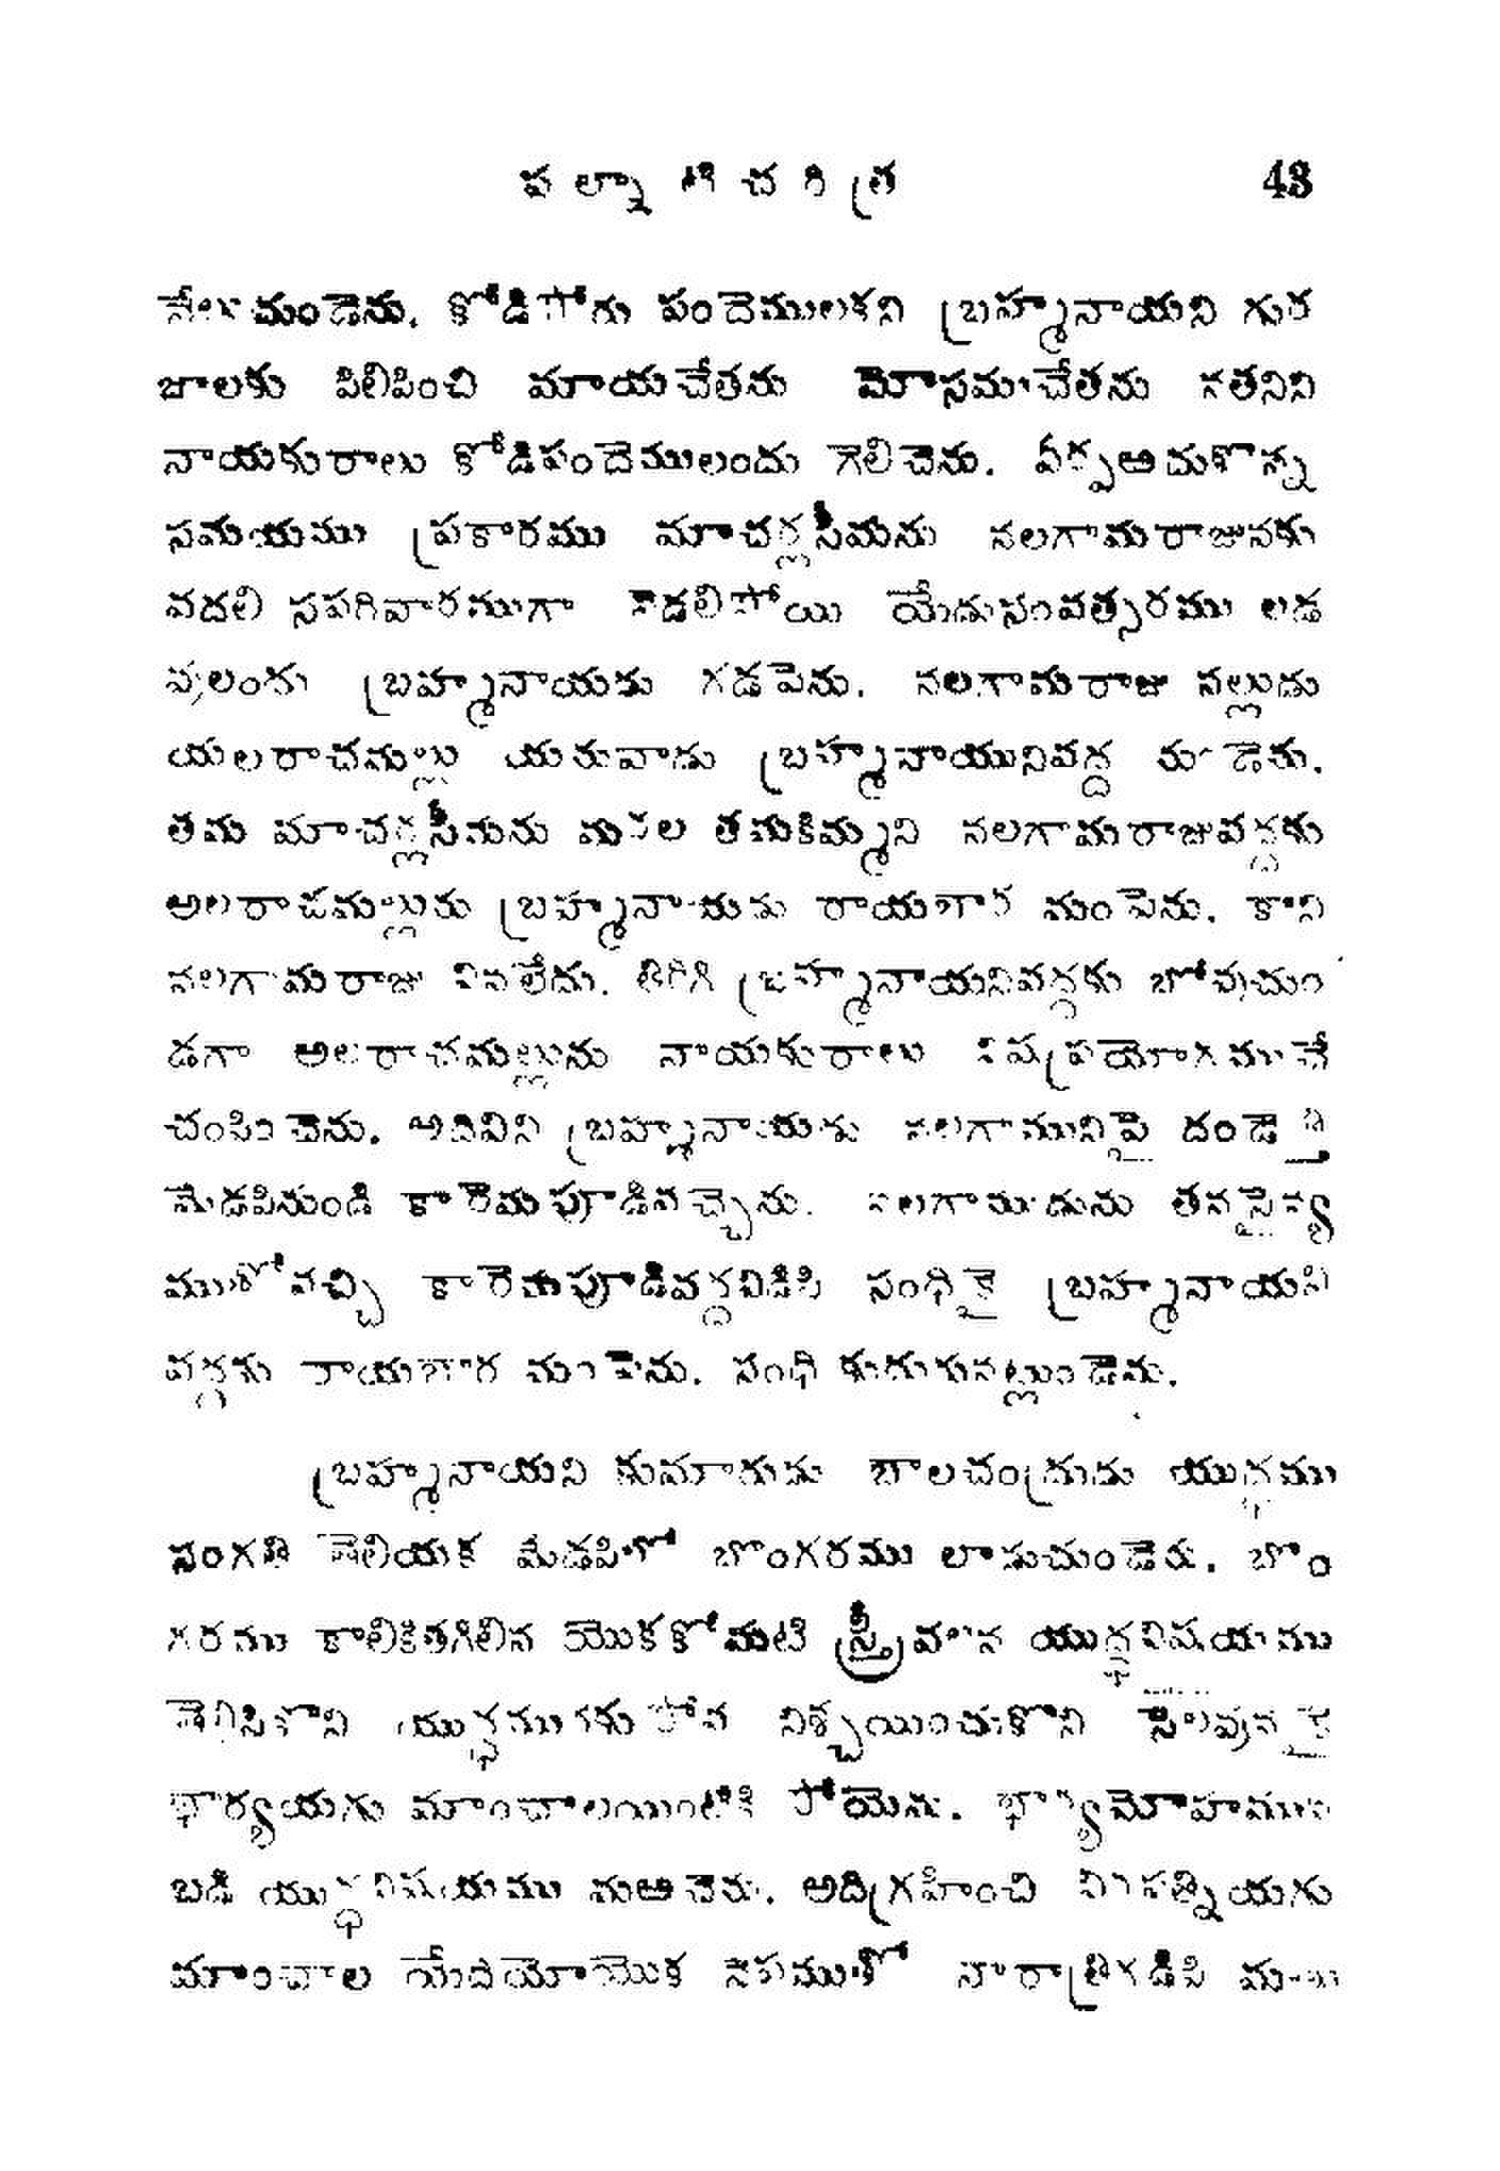నేలుచుండెను. కోడిపోరు పందెములకని బ్రహ్మనాయని గుర
జాలకు పిలిపించి మాయచేతను మోసముచేతను నతనిని
నాయకురాలు కోడిపందెములందు గెలిచెను. ఏర్పఱచుకొన్న
సమయము ప్రకారము మాచర్ల సీమను నలగామరాజునకు
వదలి సపరివారముగా వెడలిపోయి యేడు సంవత్సరము లడ
వులందు బ్రహ్మనాయుడు గడపెను. నలగామరాజు నల్లుడు
యలరాచమల్లు యనువాడు బ్రహ్మనాయునివద్ద నుండెను.
తమ మాచర్లసీమను మరల తమకిమ్మని నలగామరాజు వద్దకు
అలరాచమల్లుకు బ్రహ్మనాయుడు రాయబార మంపెను. కాని
నలగామరాజు వినలేదు. తిరిగి బ్రహ్మనాయనివద్దకు బోవుచుం
డగా అలరాచమల్లును నాయకురాలు విషప్రయోగముచే
చంపించెను. అదివిని బ్రహ్మనాయుడు నలగామునిపై దండెత్తి
మేడపినుండి కారెమపూడివచ్చెను. నలగాముడును తన సైన్య
ముతో వచ్చి కారెమపూడివద్దవిడిసి సంధికై బ్రహ్మనాయని
వద్దకు రాయబార మంపెను. సంధి కుదురు నట్లుండెను.
బ్రహ్మనాయని కుమారుడు బాలచంద్రుడు యుద్ధము
సంగతి తెలియక మేడపిలో బొంగరము లాడుచుండెను. 
బొంగరము కాలికి తగిలిన యొకకోమటి స్త్రీవలన యుద్ధవిషయము
తెలిసికొని యుద్దమునకుపోవ నిశ్చయించుకొని సెలవునకై 
భార్యయగు మాంచాలయింటికి పోయెను. భార్య మోహమున 
బడి యుద్దవిషయము మఱచెను. అది గ్రహించి వీరపత్నియగు 
మాంచాల యేదియోయొక నెపముతో నా రాత్రిగడిపి